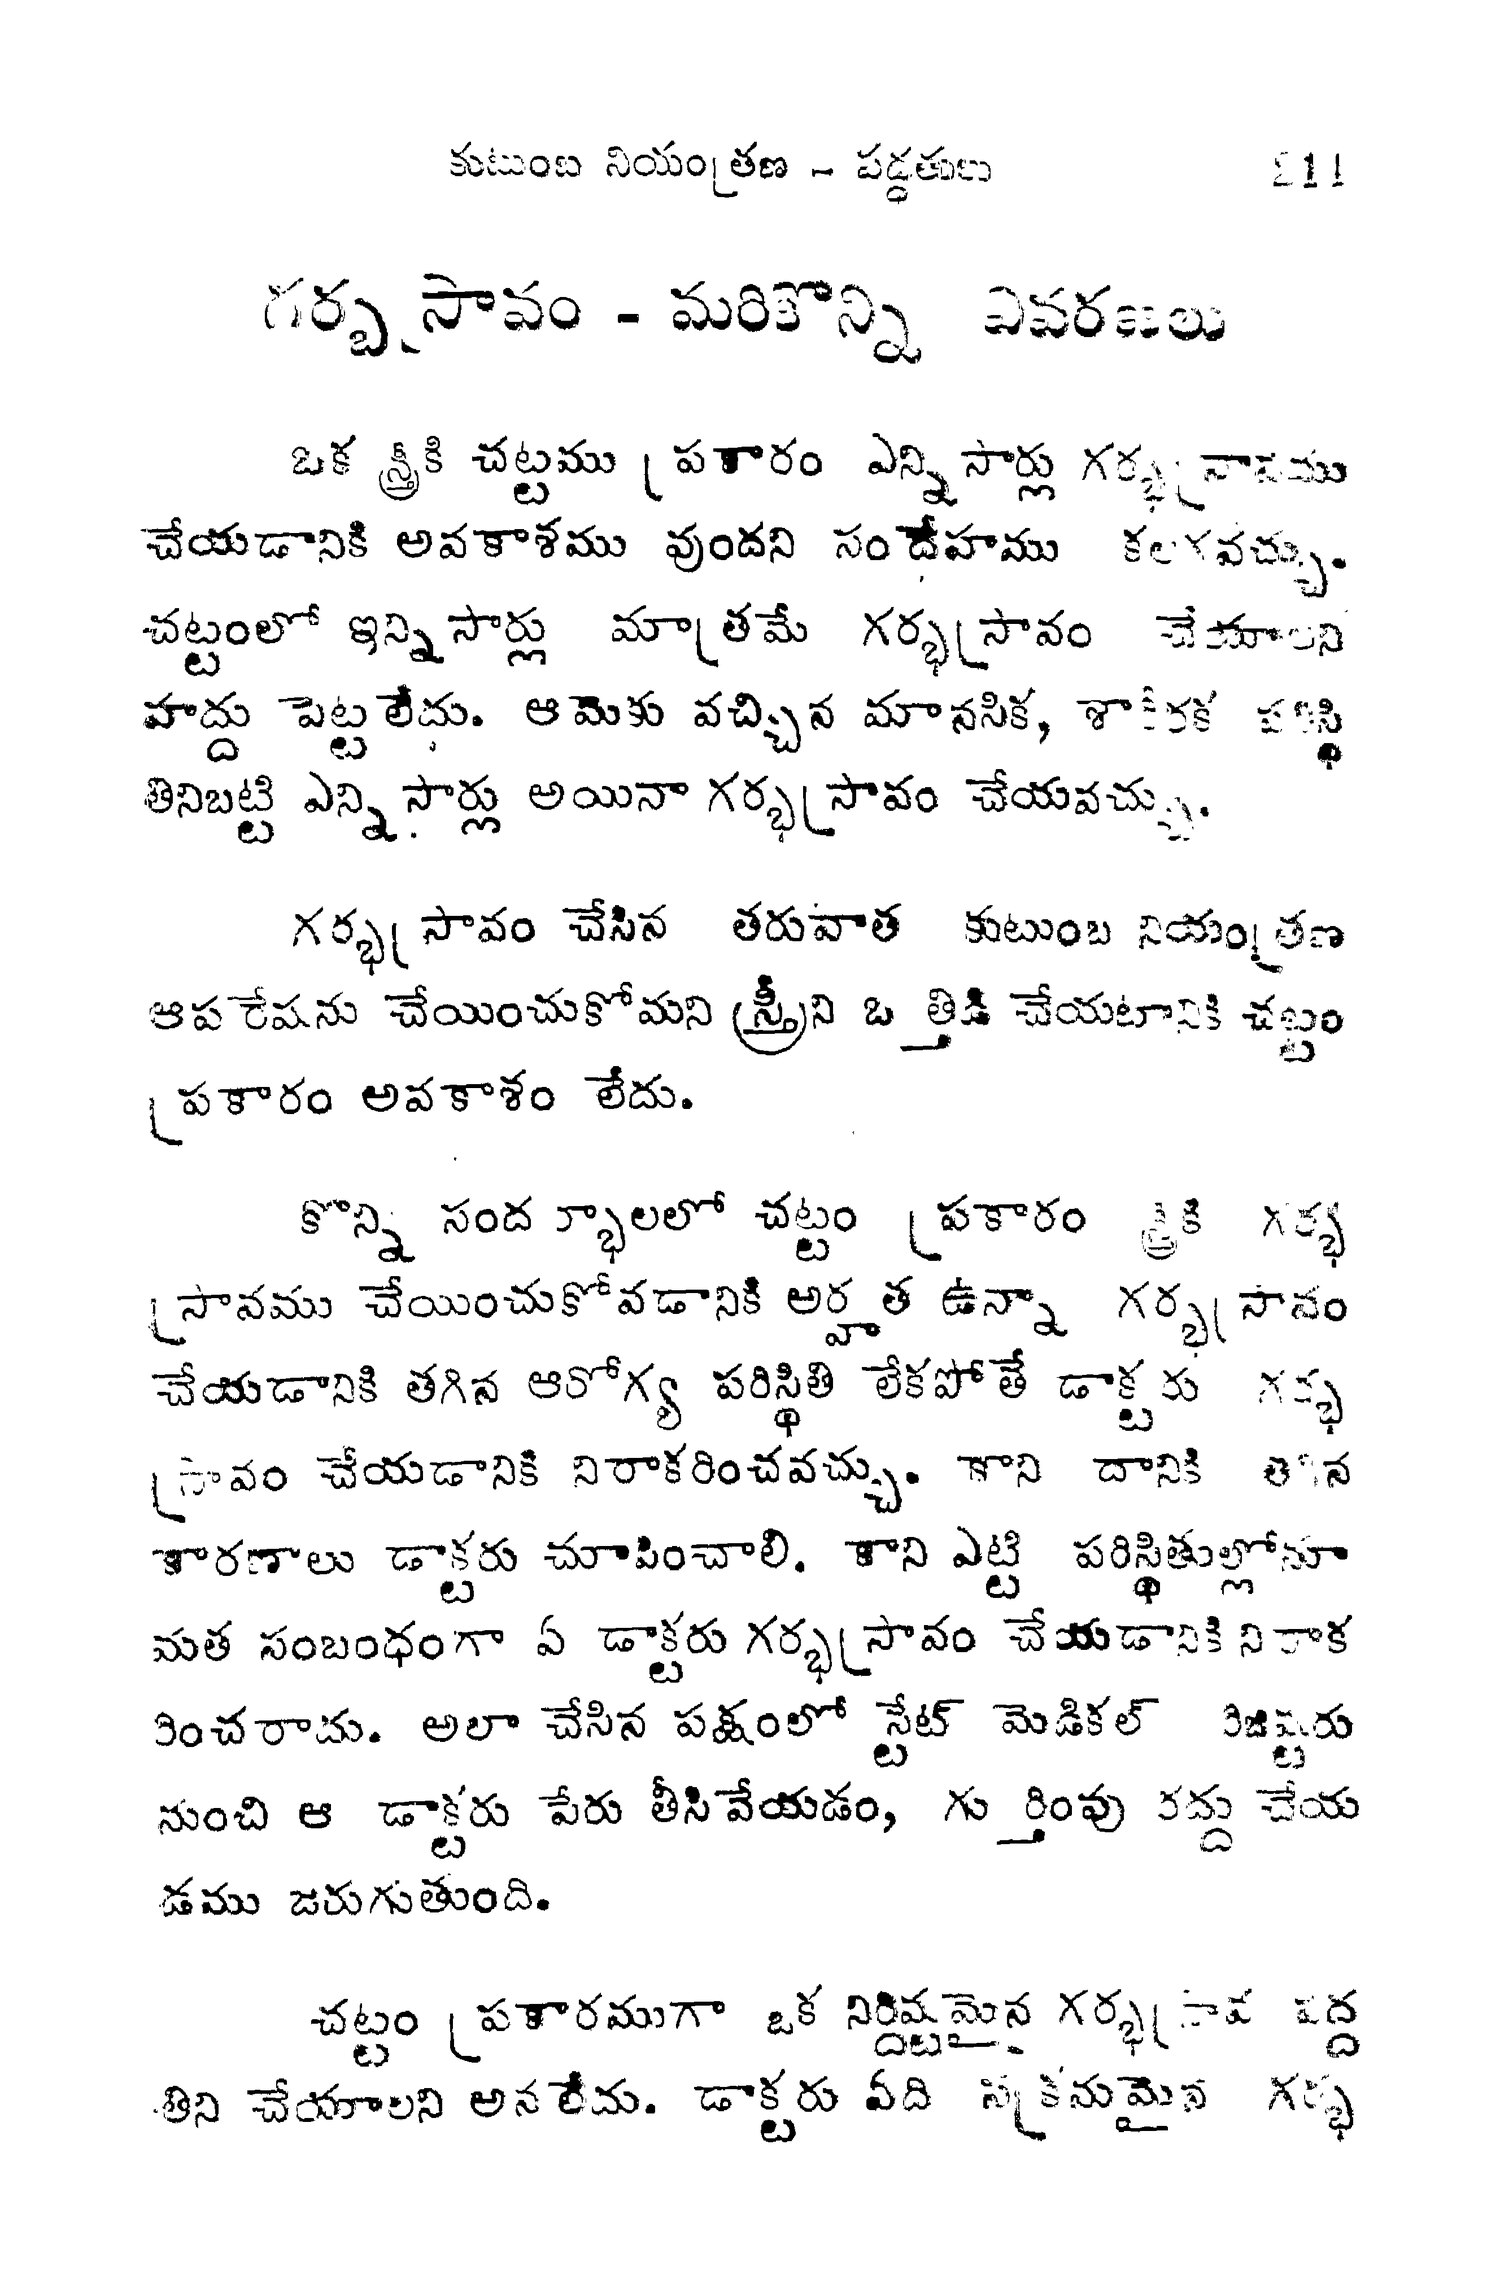ఒక స్త్రీకి చట్టము ప్రకారము ఎన్నిసార్లు గర్భస్రావము చేయడానికి అవకాశము వుందని సందేహము కలగవచ్చు. చట్టంలో ఇన్నిసార్లు మాత్రమే గర్భస్తావం చేయాలని హద్దు పెట్టలేదు. ఆమెకు వచ్చిన మానసిక, శారీరక పరిస్థితినిబట్టి ఎన్ని సార్లు అయినా గర్భస్రావం చేయవచ్చు.

గర్భస్రావం చేసిన తరువాత కుటుంబ నియంత్రణ ఆపరేషను చేయించుకోమని స్త్రీని ఒత్తిడి చేయటానికి చట్టం ప్రకారం అవకాశం లేదు.

కొన్ని సందర్భాలలో చట్టం ప్రకారం స్త్రీకి గర్భస్రావము చేయించుకోవడానికి అర్హత ఉన్నా గర్భస్రావం చేయడానికి తగిన ఆరోగ్య పరిస్థితి లేకపోతే డాక్టరు గర్భస్రావం చేయడానికి నిరాకరించవచ్చు. కాని దానికి తగిన కారణాలు డాక్టరు చూపించాలి. కాని ఎట్టి పరిస్థితుల్లోనూ మత సంబంధంగా ఏ డాక్టరు గర్భస్రావం చేయడానికి నిరాకరించరాదు. అలా చేసిన పక్షంలో స్టేట్ మెడికల్ రిజిష్టరు నుంచి ఆ డాక్టరు పేరు తీసివేయడం, గుర్తింపు రద్దు చేయడము జరుగుతుంది.

చట్టం ప్రకారముగా ఒక నిర్దిష్టమైన గర్భస్రావ పద్దతిని చేయాలని అనలేదు. డాక్టరు ఏది సక్రమమైన గర్భ-